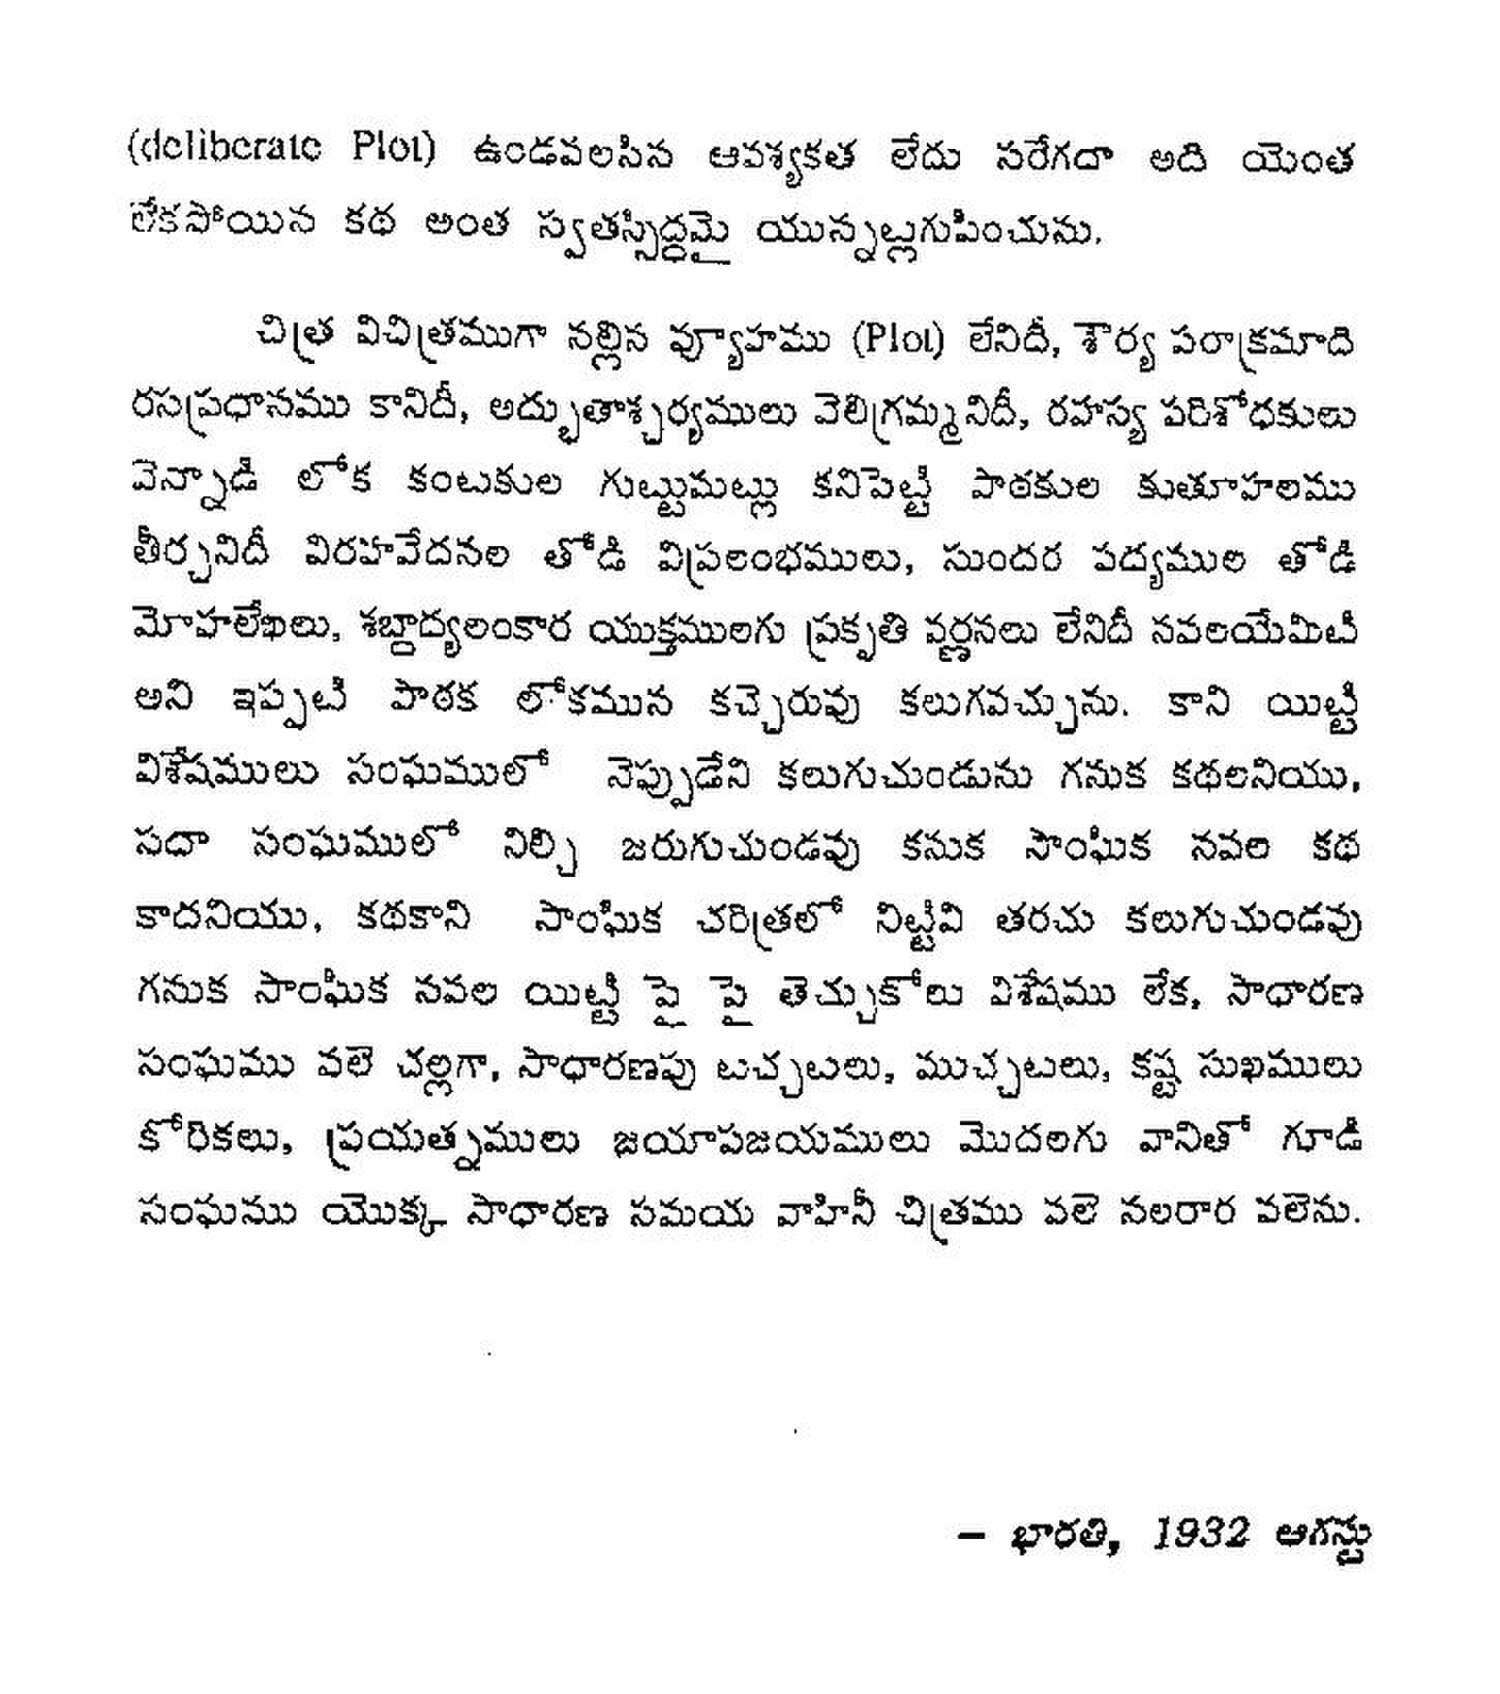(deliberate Plot) ఉండవలసిన ఆవశ్యకత లేదు సరేగదా అది యెంత లేకపోయిన కథ అంత స్వతస్సిద్దమై యున్నట్లగుపించును.

చిత్ర విచిత్రముగా నల్లిన వ్యూహము (Plot) లేనిదీ. శౌర్య పరాక్రమాది రసప్రధానము కానిదీ, అద్భుతాశ్చర్యములు వెలిగ్రమ్మనిదీ, రహస్య పరిశోధకులు వెన్నాడి లోక కంటకుల గుట్టుమట్లు కనిపెట్టి పాఠకుల కుతూహలము తీర్చనిదీ విరహవేదనల తోడి విప్రలంభములు, సుందర పద్యముల తోడి మోహలేఖలు, శబ్దాద్యలంకార యుక్తములగు ప్రకృతి వర్ణనలు లేనిదీ నవలయేమిటి అని ఇప్పటి పాఠక లోకమున కచ్చెరువు కలుగవచ్చును. కాని యిట్టి విశేషములు సంఘములో నెప్పుడేని కలుగుచుండును గనుక కథలనియు, సదా సంఘములో నిల్చి జరుగుచుండవు కనుక సాంఘిక నవల కథ కాదనియు, కథకాని సాంఘిక చరిత్రలో నిట్టివి తరచు కలుగుచుండవు గనుక సాంఘిక నవల యిట్టి పై పై తెచ్చుకోలు విశేషము లేక, సాధారణ సంఘము వలె చల్లగా, సాధారణపు టచ్చటలు, ముచ్చటలు, కష్ట సుఖములు కోరికలు, ప్రయత్నములు జయాపజయములు మొదలగు వనితో గూడి సంఘము యొక్క సాధారణ సమయ వాహినీ చిత్రము వలె నలరారవ లెను.